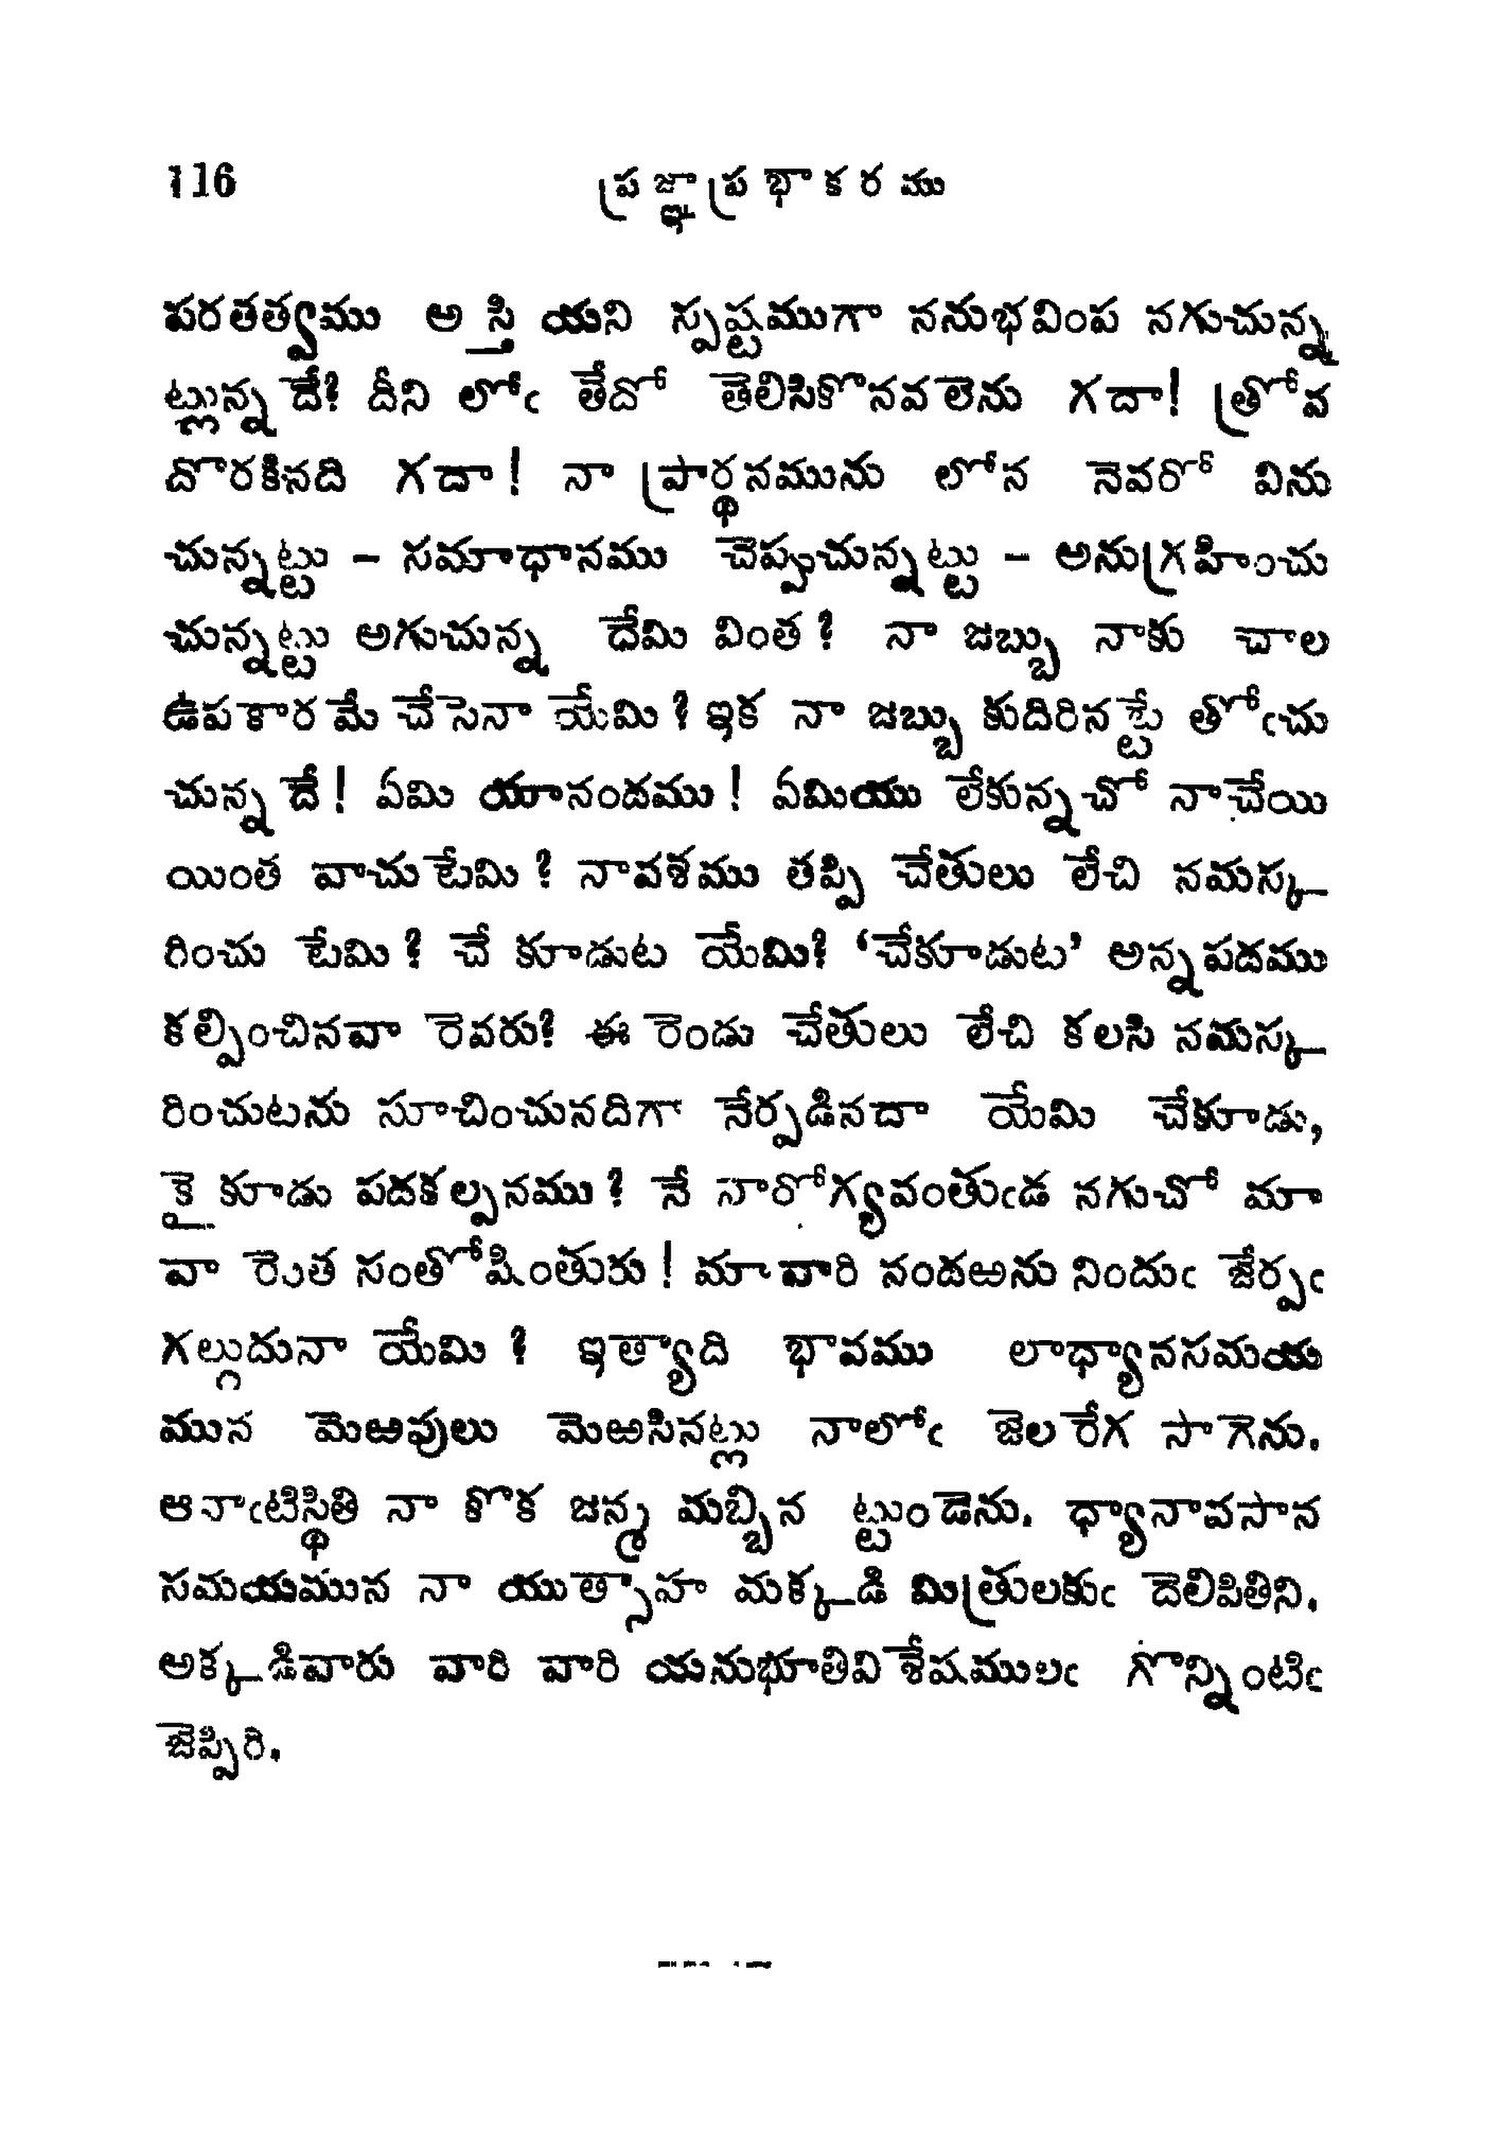పరతత్వము అస్తి యని స్పష్టముగా ననుభవింప నగు చున్నట్లున్నదే? దీని లోఁ తేదో తెలిసికొనవలెను గదా! త్రోవ దొరకినది గదా! నా ప్రార్ధనమును లోన నెవరో వినుచున్నట్టు_ సమాధానము చెప్పుచున్నట్టు_అనుగ్రహించు చున్నట్టు అగుచున్న దేమి వింత? నా జబ్బు నాకు చాలా ఉపకారమే చేసెనా యేమి! ఇక నా జబ్బు కుదిరినట్టే తోఁచు చున్నదే! ఏమి యానందము! ఏమియు లేకున్నచో నాచేయి యింత వాచుటేమి? నావశము తప్పి చేతులు లేచి నమస్కరించు టేమి? చే కూడుట యేమి? 'చేకూడుట' అన్నపదము కల్పించినవా రెవరు? ఈ రెండు చేతులు లేచి కలసి నమస్కరించుటను సూచించునదిగా నేర్పడినదా యేమి చేకూడు, కైకూడు పదకల్పనము? నే నారోగ్యవంతుఁడ నగుచో మా వారెంత సంతోషింతురు! మావారి నందఱను నిందుఁ జేర్పఁ గల్లుదునా యేమి? ఇత్యాది భావము లాధ్యానసమయమున మెఱపులు మెఱసినట్లు నాలోఁ జెలరేగ సాగెను. ఆనాఁటిస్థితి నా కొక జన్మ మబ్బిన ట్టుండెను. ధ్యానావసాన సమయమున నాయుత్సాహ మక్కడి మిత్రులకుఁ దెలిపితిని. అక్కడివారు వారి వారి యనుభూతి విశేషములఁ గొన్నింటిఁ జెప్పిరి.